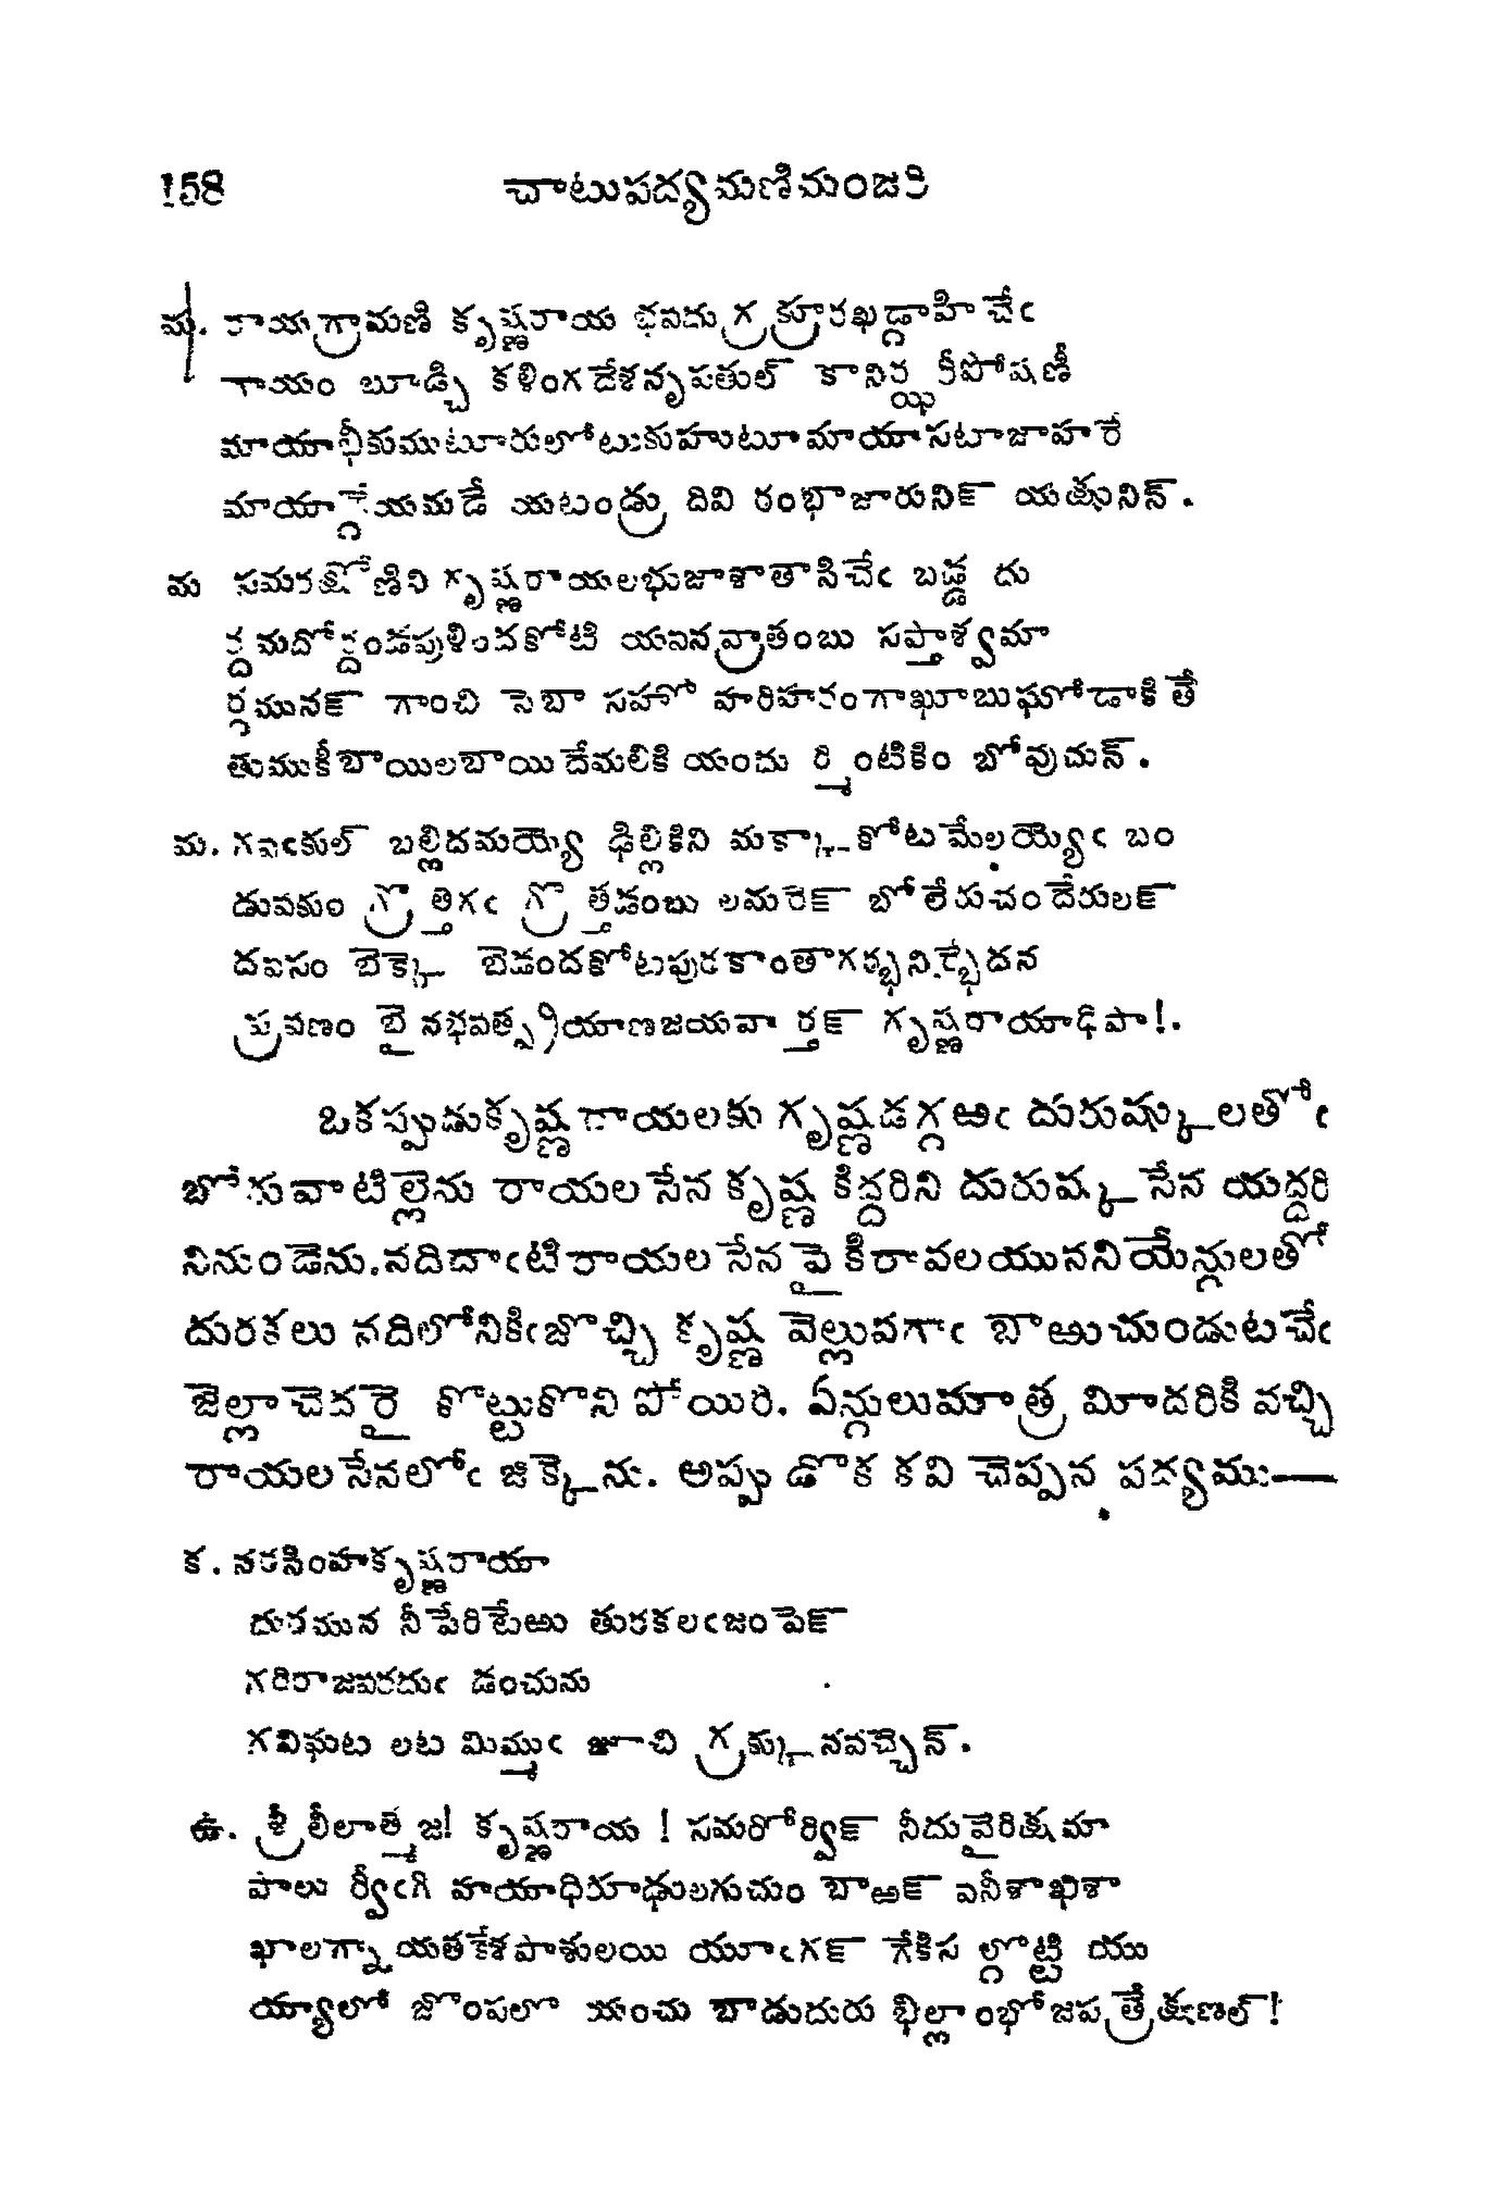మ. రాయగ్రామణి కృష్ణరాయ! భవదుగ్రక్రూరఖడ్గాహిచేఁ
 గాయం బూడ్చి కళింగదేశనృపతుల్ కానిర్ఝరీపోషణీ
 మాయాభీకుముటూరులోటుకుహుటూమాయాసటాజాహరే
 మాయాగ్గేయమడే యటండ్రు దివి రంభాజారునిన్ యక్షునిన్.
మ. సమరక్షోణిని గృష్ణరాయలభుజాశాతాసిచేఁ బడ్డ దు
 ర్దమదోర్దండపుళిందకోటి యవనవ్రాతంబు సప్తాశ్వమా
 ర్గమునన్ గాంచి సెబా సహో హరిహరంగాఖూబుఘోడాకితే
 తుముకీబాయిలబయిదేమలికి యందు ర్మింటికిం బోవుచున్.
మ. గవఁకుల్ బల్లిదమయ్యె ఢిల్లికిని మక్కాకోటమేలయ్యెఁ బం
 డువకుం గ్రొత్తగఁ గ్రొత్తడంబు లమరెన్ బోలేరుచందేరులన్
 దవసం బెక్కె బెడందకోటపురకాంతాగర్భనిర్భేదన
 ప్రవణం బైనభవత్ప్రయాణజయవార్తన్ గృష్ణరాయాధిపా!
ఒకప్పుడు కృష్ణరాయలకు గృష్ణడగ్గఱఁ దురుష్కులతోఁ బోరు వాటిల్లెను. రాయలసేన కృష్ణ కిద్దరిని దురుష్కసేన యద్దరిని నుండెను. నది దాఁటి రాయలసేనపైకి రావలయునని యేన్గులతోఁ దురకలు నదిలోనికిఁ జొచ్చి కృష్ణ వెల్లువగాఁ బారుచుండుటచేఁ జెల్లాచెదరై కొట్టకొనిపోయిరి. ఏన్గులుమాత్ర మీదరికి వచ్చి రాయలసేనలోఁ జిక్కెను. అప్పుడొక కవి చెప్పిన పద్యము—
క. నరసింహకృష్ణరాయా
 దురమున నీపేరిటేరు తురకలఁ జంపెన్
 గరిరాజవరదుఁ డంచును
 గరిఘట లట మిమ్ముఁ జూచి గ్రక్కున వచ్చెన్.
శా. శ్రీలీలాత్మజ! కృష్ణరాయ! సమరోర్విన్ నీదువైరిక్షమా
 పాలు ర్వీఁగి హయాధిరూఢు లగుచుం బాఱన్ వనీశాఖిశా
 ఖాలగ్నాయతకేశపాశులయి యీఁగన్ గేకిస ల్గొట్చి యు
 య్యాలే జొంపలో యంచుఁ బాడుదురు భిల్లాంభోజపత్రేక్షణల్!